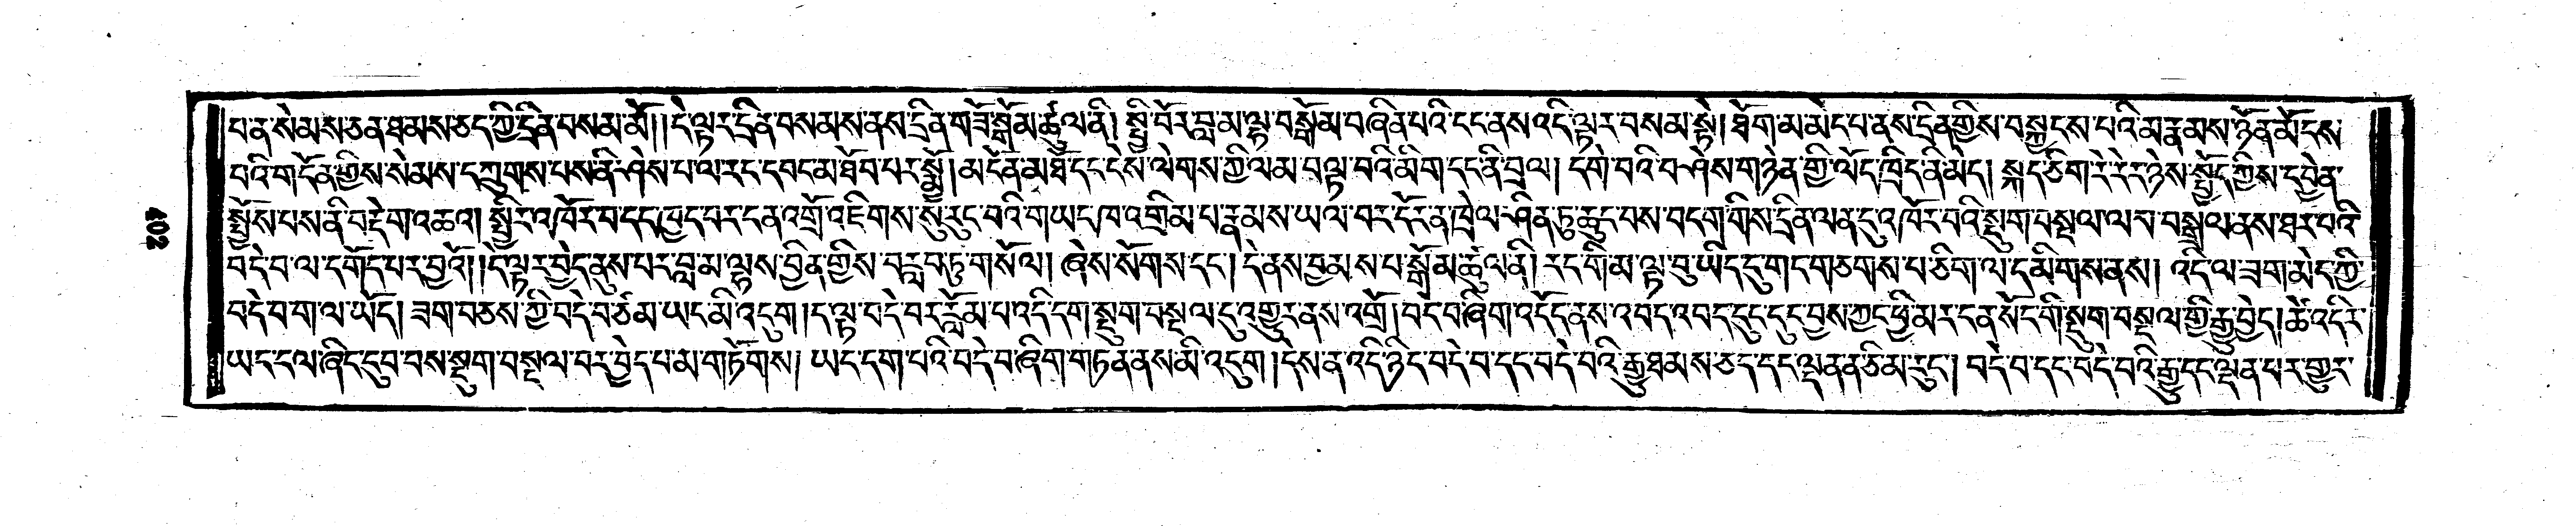པ་ན་སེམས་ཅན་ཐམས་ཅད་ཀྱི་དྲིན་བསམ་མོ། །དེ་ལྟར་དྲིན་བསམས་ནས་དྲིན་གཟོ་སྒོམ་ཚུལ་ནི། སྤྱི་བོར་བླ་མ་ལྷ་བསྒོམ་བཞིན་པའི་ངང་ནས་འདི་ལྟར་བསམ་སྟེ། ཐོག་མ་མེད་པ་ནས་དྲིན་གྱིས་བསྐྱངས་པའི་མ་རྣམས་ཉོན་མོངས་
པའི་གདོན་གྱིས་སེམས་དཀྲུགས་པས་ནི་ཤེས་པ་ལ་རང་དབང་མ་ཐོབ་པར་སྨྱོ། མངོན་མཐོ་དང་ངེས་ལེགས་ཀྱི་ལམ་བལྟ་བའི་མིག་དང་ནི་བྲལ། དགེ་བའི་བཤེས་གཉེན་གྱི་ལོང་ཁྲིད་ནི་མེད། སྐད་ཅིག་རེ་རེར་ཉེས་སྤྱོད་ཀྱིས་དབྱེ་ན་
སྤྱོས་པས་ནི་བརྡེག་འཆའ། སྤྱིར་འཁོར་བ་དང་ཁྱད་པར་ངན་འགྲོ་འཇིགས་སུ་རུང་བའི་གཡང་ཁ་འགྲིམ་པ་རྣམས་ཡལ་བར་དོར་ན་ཁྲེལ་ཤིན་ཏུ་ཆུང་བས་བདག་གིས་དྲིན་ལན་དུ་འཁོར་བའི་སྡུག་བསྔལ་ལས་བསྒྲལ་ནས་ཐར་པའི་
བདེ་བ་ལ་དགོད་པར་བྱའོ། །དེ་ལྟར་བྱེད་ནུས་པར་བླ་མ་ལྷས་བྱིན་གྱིས་བརླབ་ཏུ་གསོལ། ཞེས་སོགས་དང་། དེ་ནས་བྱམས་པ་སྒོམ་ཚུལ་ནི། རང་གི་མ་ལྟ་བུ་ཡིད་དུ་གང་གཅགས་པ་ཅིག་ལ་དམིགས་ནས། འདི་ལ་ཟག་མེད་ཀྱི་
བདེ་བ་ག་ལ་ཡོད། ཟག་བཅས་ཀྱི་བདེ་བ་ཙམ་ཡང་མི་འདུག །ད་ལྟ་བདེ་བར་རློམ་པ་འདི་དག་སྡུག་བསྔལ་དུ་འགྱུར་ནས་འགྲོ། བདེ་བ་ཞིག་འདོད་ནས་འབད་འབད་དུང་དུང་བྱས་ཀྱང་ཕྱི་མར་ངན་སོང་གི་སྡུག་བསྔལ་གྱི་རྒྱུ་བྱེད། ཚེ་འདིར་
ཡང་ངལ་ཞིང་དུབ་པས་སྡུག་བསྔལ་བར་བྱེད་པ་མ་གཏོགས། ཡང་དག་པའི་བདེ་བ་ཞིག་གཏན་ནས་མི་འདུག །དེས་ན་འདི་ཉིད་བདེ་བ་དང་བདེ་བའི་རྒྱུ་ཐམས་ཅད་དང་ལྡན་ན་ཅི་མ་རུང་། བདེ་བ་དང་བདེ་བའི་རྒྱུ་དང་ལྡན་པར་གྱུར་